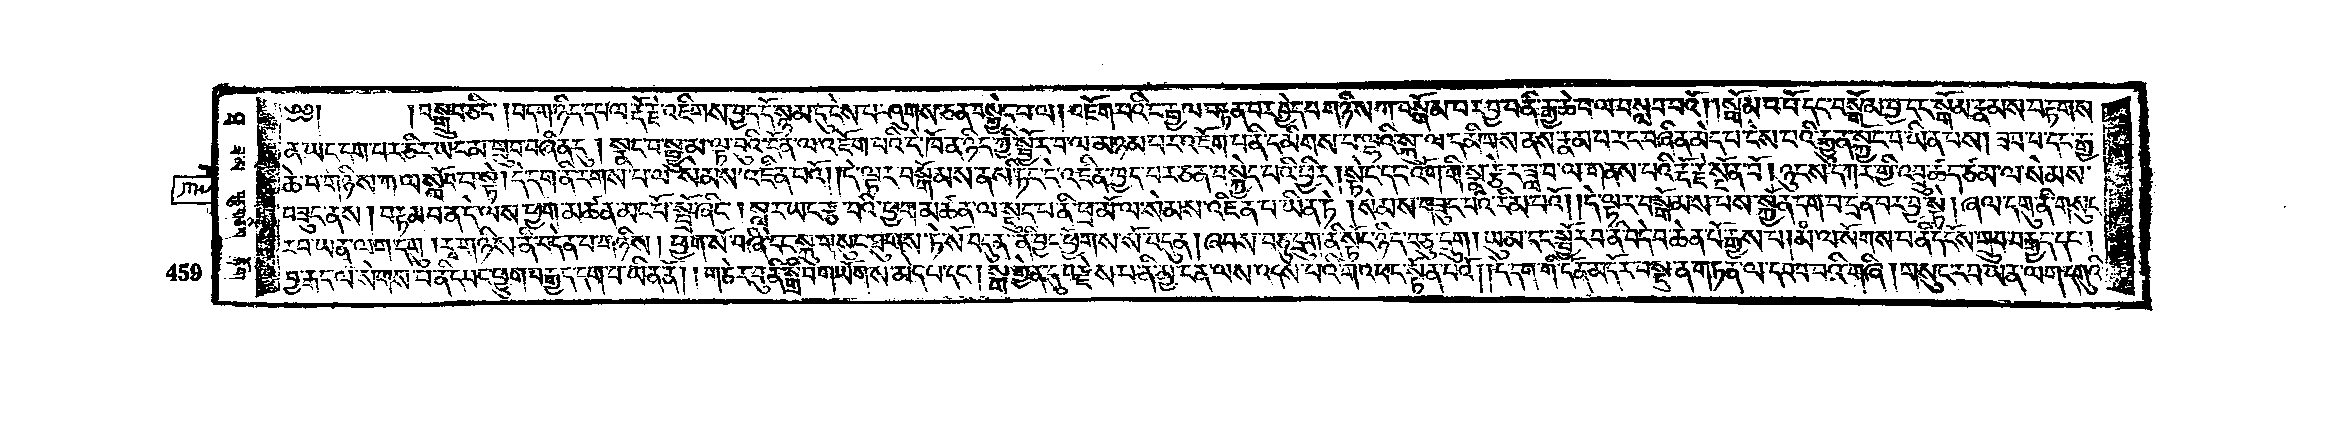༄༅། །བསྒྲུབ་ཅིང་། བདག་ཉིད་དཔལ་རྡོ་རྗེ་འཇིགས་བྱེད་དོ་སྙམ་དུ་ངེས་པ་ཤུགས་ཅན་བསྐྱེད་པ་ལ། འཇོག་པའི་ང་རྒྱལ་བརྟན་པར་བྱེད་པ་གཉིས་ཀ་བསྒོམ་པར་བྱ་བ་ནི་རྒྱ་ཆེ་བ་ལ་བསླབ་པའོ། །སྒོམ་པ་པོ་དང་བསྒོམ་བྱ་དང་སྒོམ་རྣམས་བརྟགས་
ན་ཡང་དག་པར་ཅིར་ཡང་མ་གྲུབ་བཞིན་དུ། སྣང་བ་སྒྱུ་མ་ལྟ་བུའི་དོན་ལ་འཇོག་པའི་དེ་ཁོ་ན་ཉིད་ཀྱི་སྦྱོར་བ་ལ་མཉམ་པར་འཇོག་པ་ནི་དམིགས་པ་ལྷའི་སྐུ་ལ་དམིགས་ནས་རྣམ་པ་རང་བཞིན་མེད་པ་ངེས་པའི་རྒྱུན་སྐྱོང་བ་ཡིན་པས། ཟབ་པ་དང་རྒྱ་
ཆེ་བ་གཉིས་ཀ་ལ་སློབ་པ་སྟེ། དེ་དག་ནི་རགས་པ་ལ་སེམས་འཛིན་པའོ། །དེ་ལྟར་བསྒོམས་ནས་ཏིང་ངེ་འཛིན་ཁྱད་པར་ཅན་བསྐྱེད་པའི་ཕྱིར། སྟེང་དང་འོག་གི་སྣ་རྩེར་ཟླ་བ་ལ་གནས་པའི་རྡོ་རྗེ་སྔོན་པོ། ཉུངས་དཀར་གྱི་འབྲུ་ཚད་ཙམ་ལ་སེམས་
བཟུང་ནས། བརྟན་པ་ན་དེ་ལས་ཕྱག་མཚན་མང་པོ་སྤྲོ་ཞིང་། སླར་ཡང་རྩ་བའི་ཕྱག་མཚན་ལ་སྡུད་པ་ནི་ཕྲ་མོ་ལ་སེམས་འཛིན་པ་ཡིན་ཏེ། སེམས་གཟུང་བའི་རིམ་པའོ། །དེ་ལྟར་བསྒོམས་པས་སྐྱོན་དག་པ་དྲན་པར་བྱ་སྟེ། ཞལ་དགུ་ནི་གསུང་
རབ་ཡན་ལག་དགུ། རྭ་གཉིས་ནི་བདེན་པ་གཉིས། ཕྱག་སོ་བཞི་དང་སྐུ་གསུང་ཐུགས་ཏེ་སོ་བདུན་ནི་བྱང་ཕྱོགས་སོ་བདུན། ཞབས་བཅུ་དྲུག་ནི་སྟོང་ཉིད་བཅུ་དྲུག། ཡུམ་དང་སྦྱོར་བ་ནི་བདེ་བ་ཆེན་པོ་རྒྱས་པ། མི་ལ་སོགས་པ་ནི་དངོས་གྲུབ་བརྒྱད་དང་།
བྱ་རྒོད་ལ་སོགས་པ་ནི་དབང་ཕྱུག་བརྒྱད་དག་པ་ཡིན་ནོ། །གཅེར་བུ་ནི་སྒྲིབ་གཡོགས་མེད་པ་དང་། སྐྲ་གྱེན་དུ་བརྫེས་པ་ནི་མྱ་ངན་ལས་འདས་པའི་གོ་འཕང་སྟོན་པའོ། །དེ་དག་གི་དོན་མདོར་བསྡུ་ན་གཏན་ལ་དབབ་པའི་གཞི། གསུང་རབ་ཡན་ལག་དགུའི་